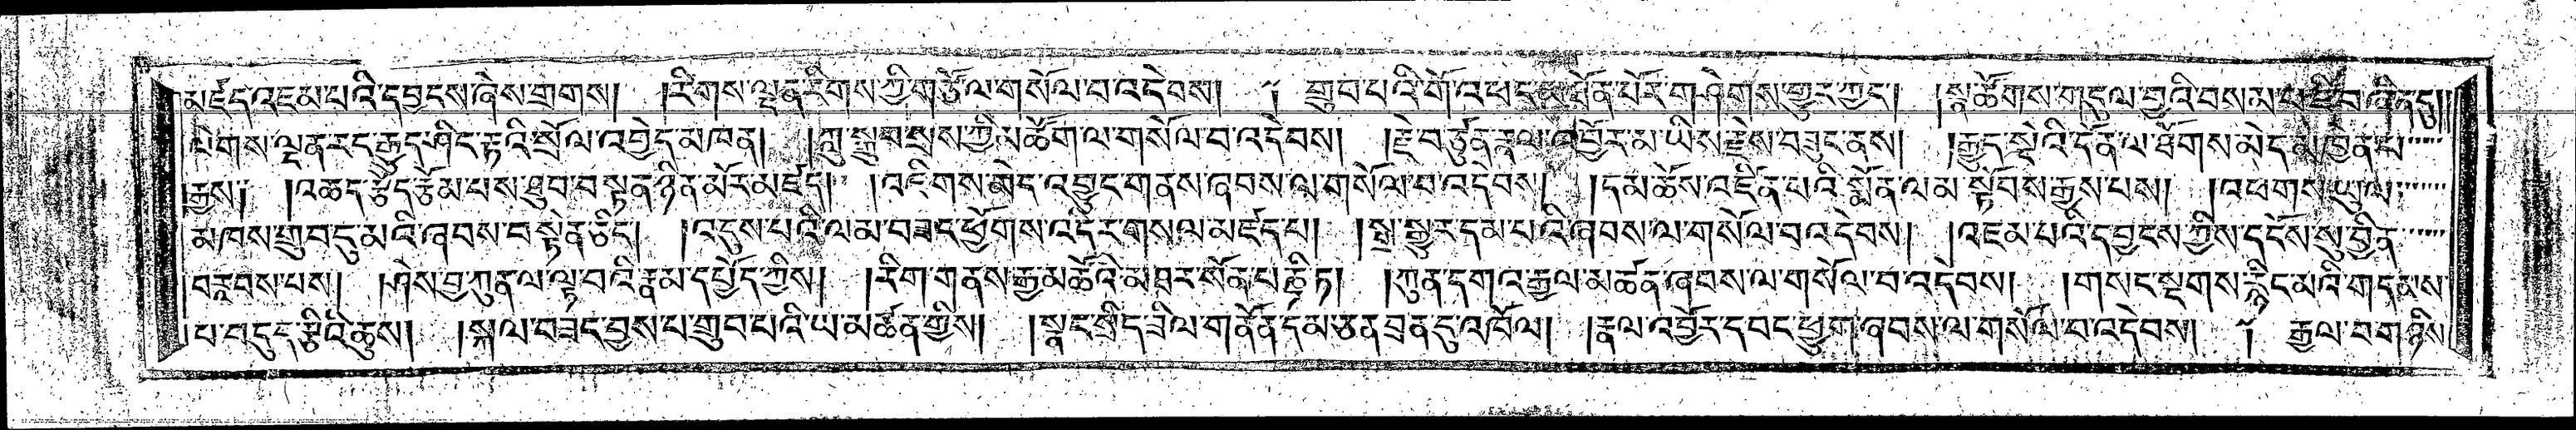མཛད་འཇམ་པའི་དབྱངས་ཞེས་གྲགས། །རིགས་ལྡན་རིགས་ཀྱི་གཙོ་ལ་གསོལ་བ་འདེབས། ༈ གྲུབ་པའི་གོ་འཕང་མཐོན་པོར་གཤེགས་གྱུར་ཀྱང་། །སྣ་ཚོགས་གདུལ་བྱའི་བསམ་པ་ཇི་བཞིན་དུ། །
ལེགས་ལྡན་རང་རྒྱུད་ཤིང་རྟའི་སྲོལ་འབྱེད་མཁན། །ཀླུ་སྒྲུབ་སྲས་ཀྱི་མཚོག་ལ་གསོལ་བ་འདེབས། །རྗེ་བཙུན་རྣལ་འབྱོར་མ་ཡིས་རྗེས་བཟུང་ནས། །རྒྱེད་སྡེའི་དོན་ལ་ཐོགས་མེད་མཁྱེན་པ་
རྒྱས། །འཆད་རྩོད་རྩོམ་པས་ཐུབ་བསྟན་ཉིན་མོར་མཛད། །འཇིགས་མེད་འབྱུང་གི་ནས་ཞབས་ལ་གསོལ་བ་འདེབས། །དམ་ཆོས་འཛིན་པའི་སྨོན་ལམ་སྟོབས་རྒྱས་པས། །འཕགས་ཡུལ་
མཁས་གྲུབ་དུ་མའི་ཞབས་བསྟེན་ཅིང་། །འདུས་པའི་ལམ་བཟང་ཕྱོགས་འདིར་གསལ་མཛད་པ། །སྒྲ་སྒྱུར་དམ་པའི་ཞབས་ལ་གསོལ་བ་འདེབས། །འཇམ་པའི་དབྱངས་ཀྱིས་དངོས་སུ་བྱིན་
བརླབས་པས། །ཤེས་བྱ་ཀུན་ལ་ལྟ་བའི་རྣམ་དཔྱོད་ཀྱིས། །རིག་གནས་རྒྱ་མཚོའི་མཐར་སོན་པཎྜི་ཏ། །ཀུན་དགའ་རྒྱལ་མཚན་ཞབས་ལ་གསོལ་བ་འདེབས། །གསང་སྔགས་རྙིང་མའི་གདམས་
པ་བདུད་རྩིའི་ཆུས། །སྐལ་བཟང་བྱས་པ་གྲུབ་པའི་ཡ་མཚན་གྱིས། །སྣང་སྲིད་ཟིལ་གནོན་དམ་ཅན་བྲན་དུ་འཁོལ། །རྣལ་འབྱོར་དབང་ཕྱུག་ཞབས་ལ་གསོལ་བ་འདེབས། ༈ རྒྱལ་བ་གཉིས་